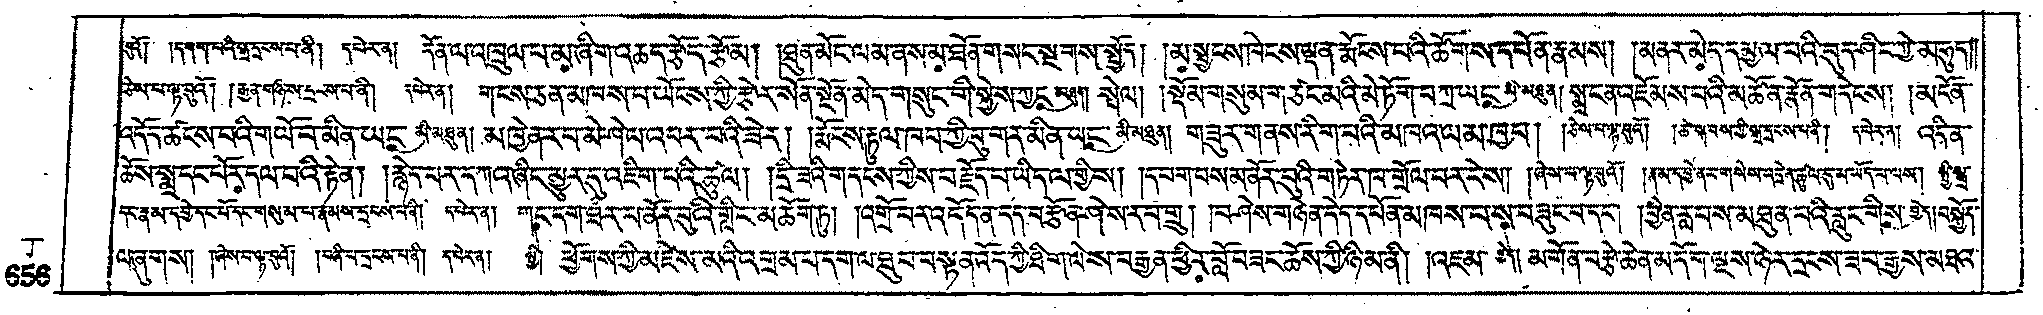བུའོ། །དགག་པའི་སྒྲ་དྲངས་པ་ནི། དཔེར་ན། དོན་ལ་འཁྲུལ་པ་མ་ཞིག་འཆད་རྩོད་རྩོམ། །ཐུང་མོང་ལམ་ནས་མ་ཐོན་གསང་སྔགས་སྤྱོད། །མ་སྦྱངས་ཁེངས་ལྡན་རྨོངས་པའི་ཚོགས་དཔོན་རྣམས། །མནར་མེད་དམྱལ་བའི་བུད་ཤིང་ཀྱེ་མ་ཧུད།།
ཅེས་པ་ལྟ་བུའོ། །རྒྱན་གཉིས་དྲངས་པ་ནི། དཔེར་ན།  གངས་ཅན་མཁས་པ་ཡོངས་ཀྱི་རྩེར་སོན་སྔོན་མེད་གསུང་གི་སྐྱེས་ཀྱང་མཐུན།  སྤེལ། །སྡོམ་གསུམ་གཙང་མའི་མེ་ཏོག་བཀྲ་ཡང་། མི་མཐུན་སྨྲ་ངན་འཇོམས་པའི་མཚོན་རྣོན་གདེངས། །མངོན་་་
འདོད་ཚངས་པའི་གཡོ་བ་མིན་ཡང་མི་མཐུན།  མཁྱེན་རབ་མེ་ཤེལ་འབར་བའི་ཟེར། །རྨོངས་རྟུལ་ཁབ་ཀྱི་བུ་གར་མིན་ཡང་མི་མཐུན་གཟུར་གནས་རིག་པའི་མཁའ་ལམ་ཁྱབ། །ཅེས་པ་ལྟ་བུའོ། །ཚེ་སྐབས་ཀྱི་སྒྲ་དྲངས་པ་ནི། དཔེར་ན།  འདི་ན་་་
ཆོས་སྨྲ་དང་པོར་དཔལ་བའི་རྟེན། །རྙེད་པར་དཀའ་ཞིང་མྱུར་དུ་འཇིག་པའི་ཚུལ། །དྲི་ཟའི་གདངས་ཀྱིས་བརྗོད་པ་ཡིད་ལ་གྱིས། །དཔག་བསམ་ནོར་བུའི་གཏེར་ཁ་གྲོལ་བར་ངེས། །ཞེས་པ་ལྟ་བུའོ། །རྣམ་དབྱེ་ནང་གསེས་འདྲེན་ཚུལ་དུ་མ་ཡོད་པ་ལས། སྤྱི་སྒྲ་
དང་རྣམ་དབྱེ་དང་པོ་དང་གསུམ་པ་རྣམས་དྲངས་པ་ནི། དཔེར་ན། གང་སྤྱི་དག་ཐར་པ་ནོར་བུའི་གླིང་མཆོག་ཏུ། །འགྲོ་བར་འདོད་ན་དད་བརྩོན་ཤེས་རབ་གྲུ། །བཤེས་གཉེན་དེད་དཔོན་མཁས་པས་བྱེད་བཟུང་བ་དང་། །བྱིན་རླབས་མཐུན་པའི་རླུང་གིས་བྱེད།  བསྐྱོད་
ལ་ཞུགས། །ཞེས་པ་ལྟ་བུའོ། །བཞི་པ་དྲངས་པ་ནི། དཔེར་ན། སྤྱི།  ཕྱོགས་ཀྱི་མཛེས་མའི་འགྲམ་པ་དག་ལ་ཐུབ་བསྟན་འོད་ཀྱི་ཐིག་ལེས་བརྒྱན་ཕྱིར་བློ་བཟང་ཆོས་ཀྱི་ཉི་མ་ནི། འཇམ་མགོན་བརྩེ་ཆེན་མདོག་ལྔས་ཉེར་དྲངས་ཟབ་རྒྱས་མཐའ་